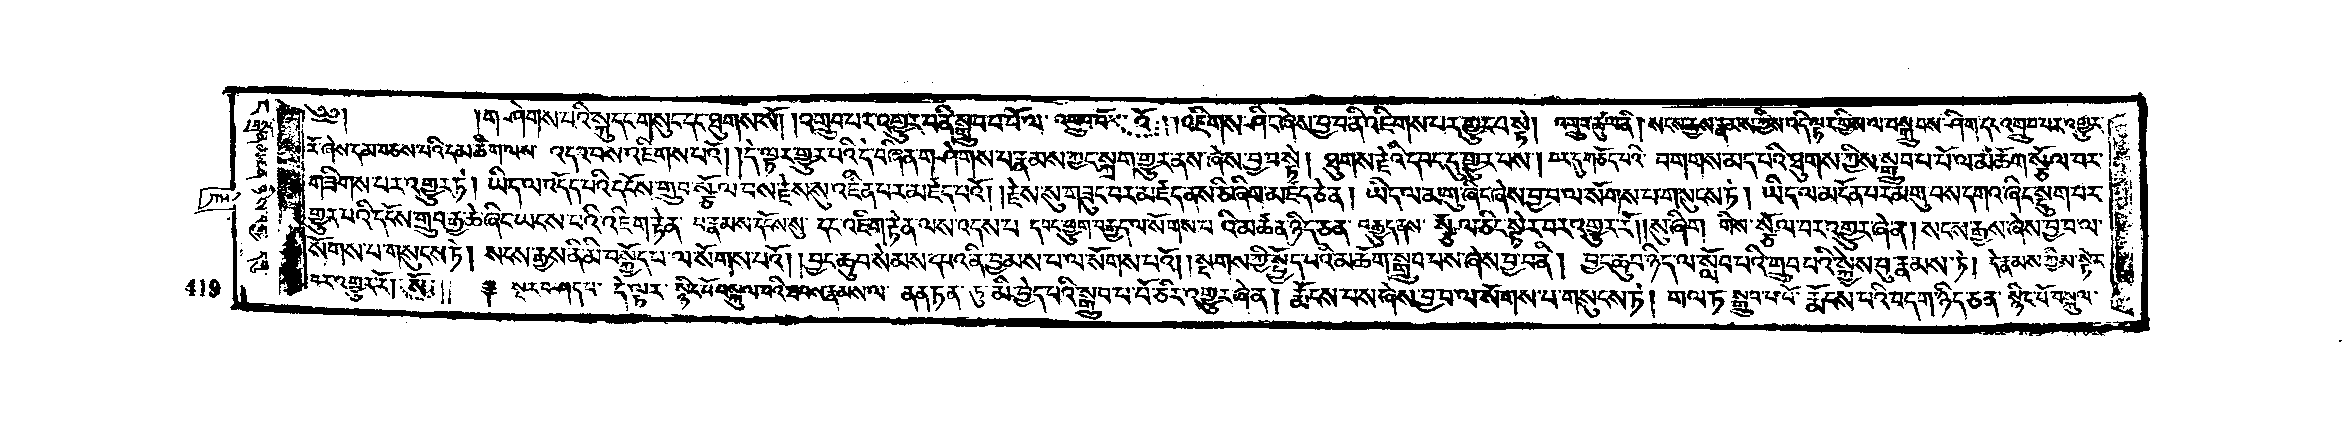༄༅། །གཤེགས་པའི་སྐུ་དང་གསུང་དང་ཐུགས་སོ། །འགྲུབ་པར་འགྱུར་བ་ནི་སྒྲུབ་པ་པོ་ལ་འགྲུབ་པོའོ། །འཇིགས་ཤིང་ཞེས་བྱ་བ་ནི་འཇིགས་པར་གྱུར་པ་སྟེ། འགྲུབ་ཚུལ་ནི། སངས་རྒྱས་རྣམས་ཀྱིས་འདི་ལྟར་གྱིས་ལ་བསྒྲུབས་ཤིག་དང་འགྲུབ་པར་འགྱུར་
རོ་ཞེས་དམ་བཅས་པའི་དམ་ཚིག་ལས་འདའ་བས་འཇིགས་པའོ། །དེ་ལྟར་གྱུར་པའི་དེ་བཞིན་གཤེགས་པ་རྣམས་ཀྱང་སྐྲག་གྱུར་ནས་ཞེས་བྱ་བ་སྟེ། ཐུགས་རྗེའི་དབང་དུ་གྱུར་པས། བར་དུ་གཅོད་པའི་བགེགས་མེད་པའི་ཐུགས་ཀྱིས་སྒྲུབ་པ་པོ་ལ་མཆོག་སྩོལ་བར་
གཟིགས་པར་འགྱུར་ཏེ། ཡིད་ལ་འདོད་པའི་དངོས་གྲུབ་སྩོལ་བས་རྗེས་སུ་འཛིན་པར་མཛད་པའོ། །རྗེས་སུ་གཟུང་བར་མཛད་ནས་ཅི་ཞིག་མཛད་ཅེ་ན། ཡིད་ལ་མགུ་ཞིང་ཞེས་བྱ་བ་ལ་སོགས་པ་གསུངས་ཏེ། ཡིད་ལ་མངོན་པར་མགུ་བས་དགའ་ཞིང་སྡུག་པར་
གྱུར་བའི་དངོས་གྲུབ་རྒྱ་ཆེ་ཞིང་ཡངས་པའི་འཇིག་རྟེན་པ་རྣམས་དངོས་སུ་དང་འཇིག་རྟེན་ལས་འདས་པ་དབང་ཕྱུག་བརྒྱད་ལ་སོགས་པའི་མཚན་ཉིད་ཅན་བརྒྱུད་ནས་སྩོལ་ཅིང་སྟེར་བར་འགྱུར་རོ། །སུ་ཞིག་གིས་སྩོལ་བར་འགྱུར་ཞེ་ན། སངས་རྒྱས་ཞེས་བྱ་བ་ལ་
སོགས་པ་གསུངས་ཏེ། སངས་རྒྱས་ནི་མི་བསྐྱོད་པ་ལ་སོགས་པའོ། །བྱང་ཆུབ་སེམས་དཔའ་ནི་བྱམས་པ་ལ་སོགས་པའོ། །སྔགས་ཀྱི་སྤྱོད་པའི་མཆོག་སྒྲུབ་པས་ཞེས་བྱ་བ་ནི། བྱང་ཆུབ་ཉིད་ལ་སློབ་པའི་གྲུབ་པའི་སྐྱེས་བུ་རྣམས་ཏེ། དེ་རྣམས་ཀྱིས་སྟེར་
བར་འགྱུར་རོ། སོ།། ༈ སྔར་བཤད་པ་དེ་ལྟར་སྙིང་པོ་བསྐུལ་བའི་ཐབས་རྣམས་ལ་ནན་ཏན་ཏུ་མི་བྱེད་པའི་སྒྲུབ་པ་པོ་ཅིར་འགྱུར་ཞེ་ན། རྨོངས་པས་ཞེས་བྱ་བ་ལ་སོགས་པ་གསུངས་ཏེ། གལ་ཏེ་སྒྲུབ་པ་པོ་རྨོངས་པའི་བདག་ཉིད་ཅན་སྙིང་པོ་བསྐུལ་